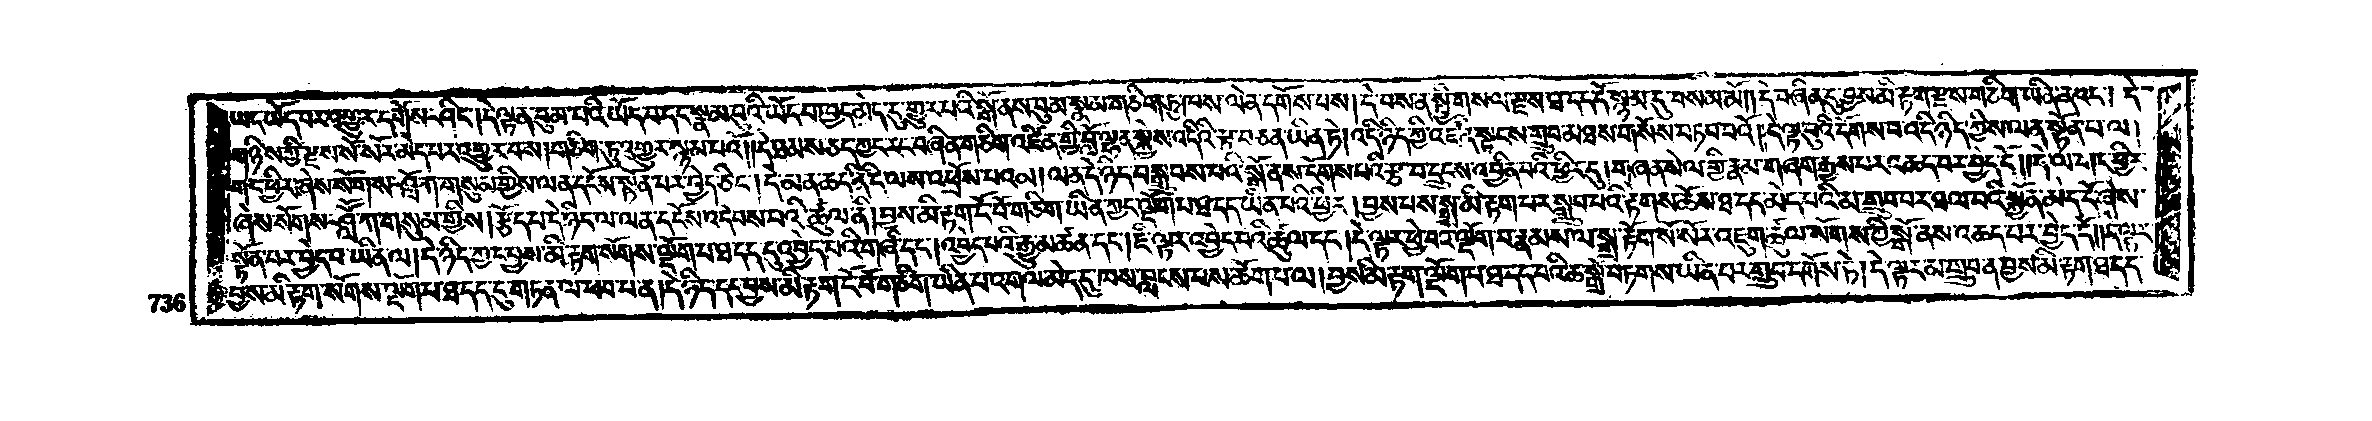ཡང་ཡོད་པར་འགྱུར་དགོས་ཤིང་། དེ་ལྟ་ན་བུམ་པའི་ཡོད་པ་དང་སྣམ་བུའི་ཡོད་པ་ཁྱད་མེད་དུ་གྱུར་པའི་སྒོ་ནས་བུམ་སྣམ་གཅིག་ཏུ་ཁས་ལེན་དགོས་པས། དེ་བས་ན་སྤྱི་གསལ་རྫས་ཐ་དད་དོ་སྙམ་དུ་བསམ་མོ། །དེ་བཞིན་དུ་བྱས་མི་རྟག་རྫས་གཅིག་ཡིན་ནའང་། དེ་
གཉིས་ཀྱི་རྫས་སོ་སོར་མེད་པར་འགྱུར་བས། གཅིག་ཏུ་འགྱུར་སྙམ་པའོ། །དེ་ཐམས་ཅད་ཀྱང་རང་བཞིན་གཅིག་འཛིན་གྱི་བློ་ལྷན་སྐྱེས་འདིའི་རྩ་བ་ཅན་ཡིན་ཏེ། འདི་ཉིད་ཀྱི་འཛིན་སྟངས་གྲུབ་མཐས་གསོས་བཏབ་པའོ། །དེ་ལྟ་བུའི་དོགས་པ་འདི་ཉིད་ཀྱིས་ལན་སྟོན་པ་ལ།
གང་ཕྱིར་ཞེས་སོགས་ཤོལོ་ཀ་གསུམ་གྱིས་ལན་དངོས་སྟོན་པར་བྱེད་ཅིང་། དེ་མན་ཆད་ནི་དི་ལས་འཕྲོས་པའམ། ལན་དེ་ཉིད་བསྒྲུབས་པའི་སྒོ་ནས་དོགས་པའི་རྩ་བ་དྲུངས་འབྱིན་པའི་ཕྱིར་དུ། གཞན་སེལ་གྱི་རྣམ་གཞག་རྒྱས་པར་འཆད་བར་བྱེད་དོ། །དེ་ལ་གང་ཕྱིར་
ཞེས་སོགས་ཤླཽ་ཀ་གསུམ་གྱིས། རྩོད་པ་དེ་ཉིད་ལ་ལན་དངོས་འདེབས་པའི་ཚུལ་ནི། བྱས་མི་རྟག་ངོ་བོ་གཅིག་ཡིན་ཀྱང་ལྡོག་པ་ཐ་དད་ཡིན་པའི་ཕྱིར། བྱས་པས་སྒྲ་མི་རྟག་པར་སྒྲུབ་པའི་རྟགས་ཆོས་ཐ་དད་མེད་པའི་མ་གྲུབ་པར་ཐལ་བའི་སྐྱོན་མེད་དོ་ཞེས་
སྟོན་པར་བྱེད་པ་ཡིན་ལ། དེ་ཉིད་ཀྱང་བྱས་མི་རྟག་སོགས་ལྡོག་པ་ཨེཐ་དད་དུ་འབྱེད་པའི་གཞི་དང་། འབྱེད་པའི་རྒྱུ་མཚན་དང་། ཇི་ལྟར་འབྱེད་བའི་ཚུལ་དང་། དེ་ལྟར་ཕྱེ་བའི་ལྡོག་པ་རྣམས་ལ་སྒྲ་རྟོག་སོ་སོར་འཇུག་ཚུལ་སོགས་ཀྱི་སྒོ་ནས་འཆད་པར་བྱེད་དོ། །དེ་ལྟར་
བྱས་མི་རྟག་སོགས་ལྡོག་པ་ཐ་དད་དུ་བཏན་ལ་ཕབ་པ་ན། དེ་ཉིད་དང་བྱས་མི་རྟག་ངོ་བོ་གཅིག་ཡིན་པ་འགལ་མེད་དོ་ཁས་བླངས་པས་ཆོག་པ་ལ། བྱས་མི་རྟག་ལྡོག་པ་ཐ་དད་པའི་ཆ་སྒྲོ་བཏགས་ཡིན་པར་གྲུབ་དགོས་ཏེ། དེ་ལྟར་མ་གྲུབ་ན་བྱས་མི་རྟག་ཐ་དད་